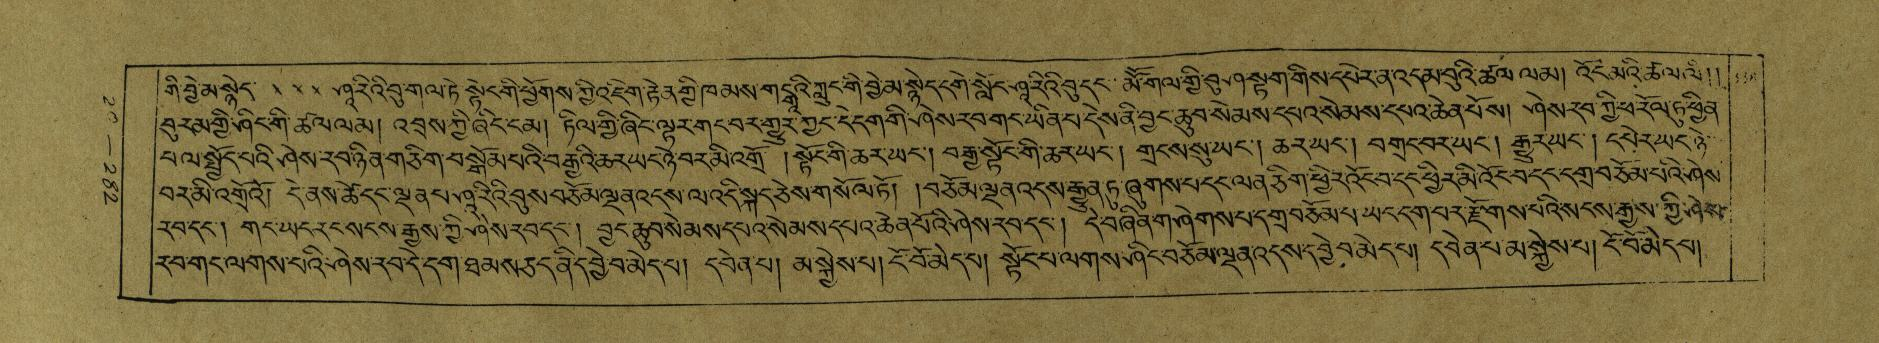གི་བྱེ་མ་སྙེད་྾་྾་྾་ཤཱ་རིའི་བུ་གལ་ཏེ་སྟེང་གི་ཕྱོགས་ཀྱི་འཇིག་རྟེན་གྱི་ཁམས་གངྒཱའི་ཀླུང་གི་བྱེ་མ་སྙེད་དགེ་སློང་ཤཱ་རིའི་བུ་དང་མཽ་གལ་གྱི་བུ་ཤ་སྟག་གིས་དཔེར་ན་འདམ་བུའི་ཚལ་ལམ། འོང་མའི་ཚལ་ལཾ། །
བུ་རམ་གྱི་ཤིང་གི་ཚལ་ལམ། འབྲས་ཀྱི་ཞིང་ངམ། ཏིལ་གྱི་ཞིང་ལྟར་གང་བར་གྱུར་ཀྱང་དེ་དག་གི་ཤེས་རབ་གང་ཡིན་པ་དེས་ནི་བྱང་ཆུབ་སེམས་དཔའ་སེམས་དཔའ་ཆེན་པོས། ཤེས་རབ་ཀྱི་ཕ་རོལ་ཏུ་ཕྱིན་
པ་ལ་སྤྱོད་པའི་ཤེས་རབ་ཉིན་གཅིག་བསྒོམ་པའི་བརྒྱའི་ཆར་ཡང་ཉེ་བར་མི་འགྲོ། །སྟོང་གི་ཆར་ཡང་། བརྒྱ་སྟོང་གི་ཆར་ཡང་། གྲངས་སུ་ཡང་། ཆར་ཡང་། བགྲང་བར་ཡང་། རྒྱུར་ཡང་། དཔེར་ཡང་ཉེ་
བར་མི་འགྲོའོ། དེ་ནས་ཚེ་དང་ལྡན་པ་ཤཱ་རིའི་བུས་བཅོམ་ལྡན་འདས་ལ་འདི་སྐད་ཅེས་གསོལ་ཏོ། །བཅོམ་ལྡན་འདས་རྒྱུན་ཏུ་ཞུགས་པ་དང་ལན་ཅིག་ཕྱིར་འོང་བ་དང་ཕྱིར་མི་འོང་བ་དང་དགྲ་བཅོམ་པའི་ཤེས་
རབ་དང་། གང་ཡང་རང་སངས་རྒྱས་ཀྱི་ཤེས་རབ་དང་། བྱང་ཆུབ་སེམས་དཔའ་སེམས་དཔའ་ཆེན་པོའི་ཤེས་རབ་དང་། དེ་བཞིན་གཤེགས་པ་དགྲ་བཅོམ་པ་ཡང་དག་པར་རྫོགས་པའི་སངས་རྒྱས་ཀྱི་ཤེས་
རབ་གང་ལགས་པའི་ཤེས་རབ་དེ་དག་ཐམས་ཅད་ནི་དབྱེ་བ་མེད་པ། དཔེན་ན། མ་སྐྱེས་པ། ངོ་བོ་མེད་པ། སྟོང་པ་ལགས་ཤིང་བཅོམ་ལྡན་འདས་དབྱེ་བ་མེད་པ། དབེན་པ་མ་སྐྱེས་པ། ངོ་བོ་མེད་པ།